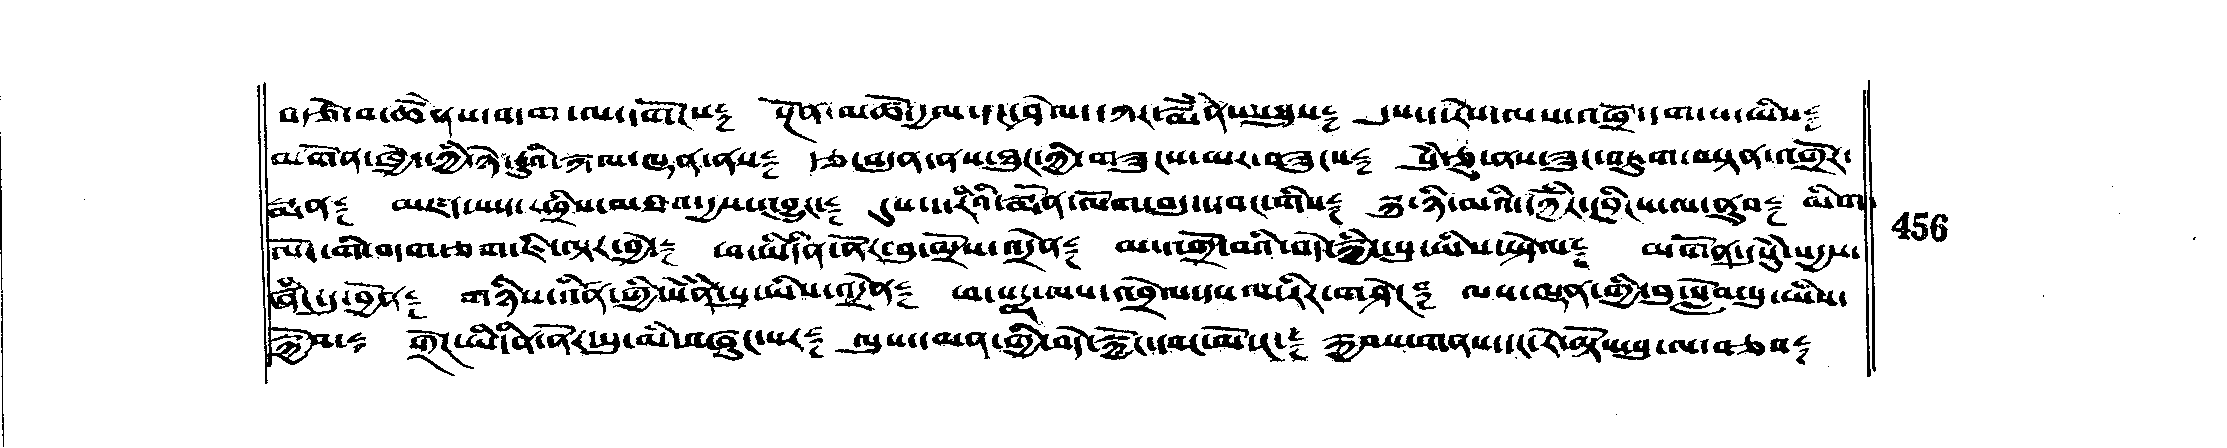བརྩེ་བ་ཆེན་པོས་བདག་ལ་དགོངས། །སྔོན་མཚོ་རྒྱལ་དང་ཤེལ་དཀར་སྨོན་ལམ་འཐུས། །དུས་ད་རེས་ལས་འཕྲོ་དག་པ་ཡིས། །
མགོན་ཁྱེད་ཀྱི་ཉེ་རྒྱུའི་སྐལ་ལྡན་ནས། །རྩ་བདུན་ནས་ཐུགས་ཀྱི་གཟུངས་མར་བཟུང་། །སུམ་ཅུ་ནས་ཟུང་འཇུག་བསྟན་འགྲོར་
སྨན། །མཛད་པ་དང་ཕྲིན་ལས་མཐའ་རྒྱས་བྱུང་། །དུས་ད་རིའི་སྨོན་ལོག་བདུད་དབང་གིས། །སྐུ་ཉི་མའི་དཀྱིལ་འཁོར་དབྱིངས་ལ་ནུབ། །མིག་
ལོང་གི་བདག་ཅག་ཇི་ལྟར་བྱེད། །ཕ་ཡིད་བཞིན་ནོར་བུ་མཁའ་འགྲོས་འདྲེན། །མ་འགྲོ་བའི་བདེ་སྐྱིད་སུ་ཡིས་སྤེལ། །མགོན་དུས་གསུམ་སངས་རྒྱས་
ཞིང་དུ་བྱོན། །གཉིས་འཛིན་གྱིས་སེམས་ཅན་སུ་ཡིས་འདྲེན། །ཕ་པདྨ་ལས་འབྲེལ་དཔལ་རིར་གཤེགས། །ལས་ལྡན་གྱི་བུ་སློབ་སུ་ཡིས་
སྐྱོབ། །གྲོགས་ཡིད་བཞིན་ནོར་བུ་མི་བཞུགས་པར། །ལུས་དམན་གྱི་བདེ་སྐྱོང་དབང་མོ་ང་། །སྐྱབས་གནས་དང་རེ་ལྟོས་སུ་ལ་བཅའ།